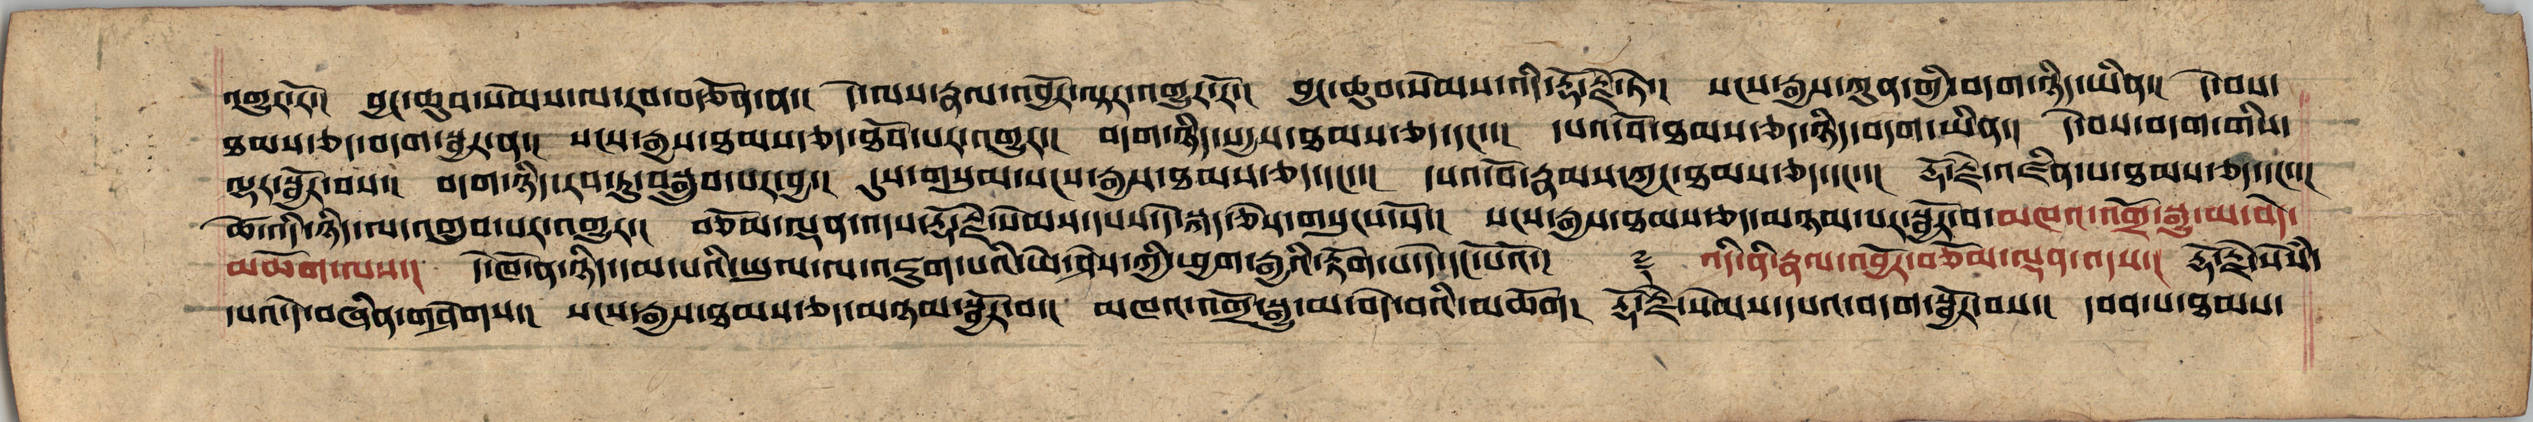འགྱུར་རོ་། བྱང་ཆུབ་སེམས་ལ་རབ་བརྩོན་ན་། དེ་ལས་རྣལ་འབྱོར་ལྟར་འགྱུར་རོ་། བྱང་ཆུབ་སེམས་འདི་རྡོ་རྗེ་ཏེ་། སངས་རྒྱས་ཀུན་གྱི་བདག་ཉིད་ཡིན་། དེ་བས་
ཐམས་ཅད་བདག་སྦྱར་ན་། སངས་རྒྱས་ཐམས་ཅད་ཐོབ་པར་འགྱུར་། བདག་ཉིད་སདྱས་ཐམས་ཅད་དང་་། དཔའ་བོ་ཐམས་ཅད་ཉིད་བདག་ཡིན་། དེ་བས་བདག་གིས་
ལྷར་སྦྱོར་བས་། བདག་ཉིད་རབ་ཏུ་བསྒྲུབ་པར་བྱ་། དུས་གསུམ་སངས་རྒྱས་ཐམས་ཅད་དང་་། དཔའ་བོ་རྣམས་ཀྱང་ཐམས་ཅད་དང་་། རྡོ་རྗེ་འཛིན་པ་ཐམས་ཅད་དང་་།
ཚེ་འདི་ཉིད་ལ་འགྲུབ་པར་འགྱུར་། བཅོམ་ལྡན་འདས་རྡོ་རྗེ་སེམས་དཔས་དེ་སྐད་ཅེས་གསུངས་སོ་། སངས་རྒྱས་ཐམས་ཅད་མཉམ་པར་སྦྱོར་བ་མཁའ་འགྲོ་སྒྱུ་མ་བདེ་
མཆོག་ལས་། དེ་ཁོ་ན་ཉིད་དམ་པའི་ཡུལ་ལ་འཇུག་པའི་ཤེས་ཀྱི་ཕྱག་རྒྱའི་རྟོག་པ་དེ་དང་པོའོ་། ࿑ འདི་ནི་རྣལ་འབྱོར་བཅོམ་ལྡན་འདས་། རྡོ་རྗེ་སེཾས་
དཔའ་དེ་བཞིན་གཤེགས་། སངས་རྒྱས་ཐམས་ཅད་མཉམ་སྦྱོར་བ་། མཁའ་འགྲོ་སྒྱུ་མ་བདེ་བའི་མཆོག། རྡོ་རྗེ་སེམས་དཔའ་བདག་སྦྱོར་བས་། དབབ་པ་ཐམས་